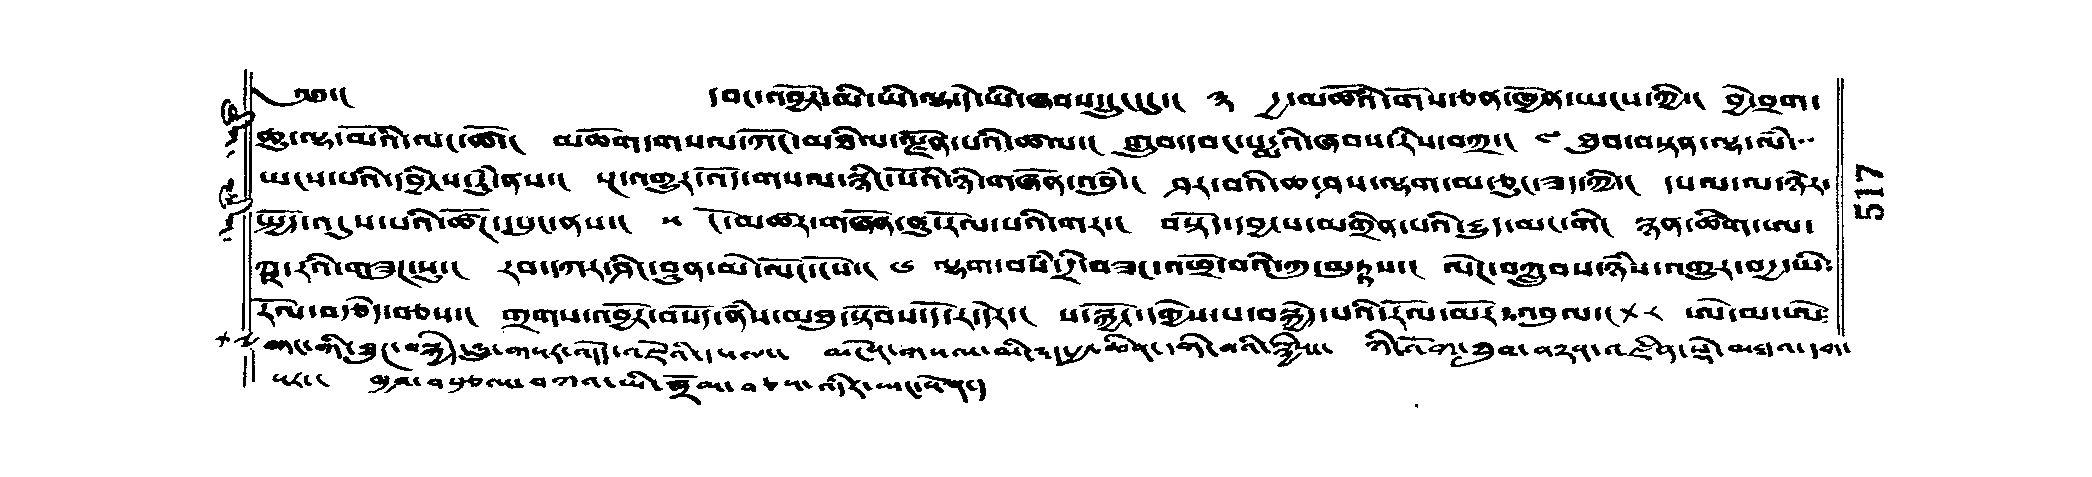།དབང་འབྱོར་མི་ཡི་ལྷ་དེའི་ཞབས་དྲུང་དུ། ༣ །རྒྱ་མཚོའི་གོས་ཅན་ཁྱོན་ཡངས་ཀྱི། །བྱེ་བྲག་
ཆུ་ལྷ་མོའི་ལང་ཚོ། །མཆོག་གསལ་ཀོང་མཐིལ་ལྗོན་པའི་ཚལ། །གྲུབ་དབང་པདྨའི་ཞབས་རིས་བཀྲ། ༤ །ཐུབ་བསྟན་ལྷ་ལམ་
ཡངས་པའི་དབྱིངས་རུམ་ནས། །སྔ་འགྱུར་འོད་གསལ་སྙིང་པོའི་ཉི་གཞོན་འབུམ། །ཤར་བའི་ཆ་ཤས་ལྷག་མ་ཅུང་ཟད་ཀྱི། །དཔལ་ལ་ཉེར་
སྤྱོད་འདུས་པའི་ཚོགས་དཔུང་ནས། ༥ །ངོ་མཚར་གཞོན་ནུ་རོལ་པའི་གར། །བསྟོད་དབྱངས་མགྲིན་པའི་རྒྱུད་མང་གི །སྙན་ཚིག་ཨ 
ཀྵ་རའི་གཟུགས་སུ། །རབ་དཀར་ཤིང་ཤུན་མེ་ལོང་ངོས། ༦ །ལྷག་བསམ་དྲི་བཟང་འཕྲོ་བའི་ཀུ་མུཏྟས། །ལེགས་བཀླུབས་ཉམས་འགྱུར་བརྒྱ་ཡི་
རོལ་རྩེད་བཅས། །གྲགས་འབྱོར་བསོད་ནམས་མཐུ་སྟོབས་དོ་ར་དེར། །ས་སྐྱོང་དགྱེས་པ་བསྐྱེད་པའི་རོལ་མོར་འབུལ། ༧ ། ཨོ་མ་ཨོཿ
གང་གི་ཐུགས་བསྐྱེད་ཟླ་གསར་འདོད་འཇོའི་དཔལ། །མངོན་གསལ་མི་ཟད་རྒྱ་ཆེན་དགེ་བའི་སྐྱེས། །ཉི་འོག་ཐུབ་བསྟན་འཛིན་སྡེ་མཐའ་དག་
པར། །ཁྱབ་བསྩལ་བཀའ་ཡི་སྒྲོམ་བཅས་འདིར་ཡང་སོན། ༨ །ཨེ་མ་ཨེ་